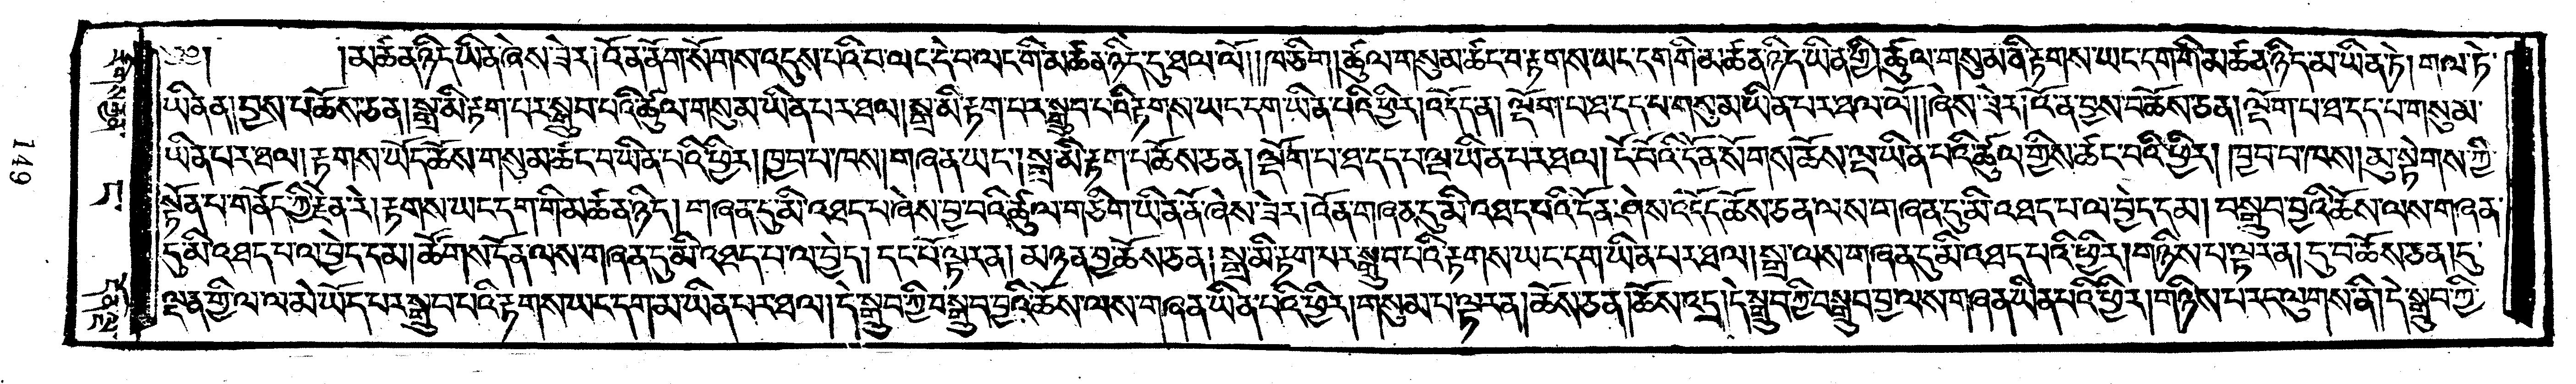༄༅། །མཚན་ཉིད་ཡིན་ཞེས་ཟེར། འོན་ནོག་?་སོགས་འདུས་པའི་བ་ལང་དེ་བ་ལང་གི་མཚན་ཉིད་དུ་ཐལ་ལོ། །ཁ་ཅིག །ཚུལ་གསུམ་ཚང་བ་རྟགས་ཡང་དག་གི་མཚན་ཉིད་ཡིན་གྱི། ཚུལ་གསུམ་ནི་རྟགས་ཡང་དག་གི་མཚན་ཉིད་མ་ཡིན་ཏེ། གལ་ཏེ་
ཡིན་ན། བྱས་པ་ཆོས་ཅན། སྒྲ་མི་རྟག་པར་སྒྲུབ་པའི་ཚུལ་གསུམ་ཡིན་པར་ཐལ། སྒྲ་མི་རྟག་པར་སྒྲུབ་པའི་རྟགས་ཡང་དག་ཡིན་པའི་ཕྱིར། འདོད་ན། ལྡོག་པ་ཐ་དད་པ་གསུམ་ཡིན་པར་ཐལ་ལོ། །ཞེས་ཟེར། འོ་ན་བྱས་པ་ཆོས་ཅན། ལྡོག་པ་ཐ་དད་པ་གསུམ་
ཡིན་པར་ཐལ། རྟགས་ཡོད་ཆོས་གསུམ་ཚང་བ་ཡིན་པའི་ཕྱིར། ཁྱབ་པ་ཁས། གཞན་ཡང་། སྒྲ་མི་རྟག་པ་ཆོས་ཅན། ལྡོག་པ་ཐ་དད་པ་ལྔ་ཡིན་པར་ཐལ། ངོ་བོའི་དོན་སོགས་ཆོས་ལྔ་ཡིན་པའི་ཚུལ་གྱིས་ཚང་བའི་ཕྱིར། ཁྱབ་པ་ཁས། མུ་སྟེགས་ཀྱི་
སྟོན་པ་གནོད་ཀྱི་རྗེན་རེ། རྟགས་ཡང་དག་གི་མཚན་ཉིད། གཞན་དུ་མི་འཐད་པ་ཞེས་བྱ་བའི་ཚུལ་གཅིག་ཡིན་ནོ་ཞེས་ཟེར། འོ་ན་གཞན་དུ་མི་འཐད་པའི་དོན་ཤེས་འདོད་ཆོས་ཅན་ལས་གཞན་དུ་མི་འཐད་པ་ལ་བྱེད་དམ། བསྒྲུབ་བྱའི་ཆོས་ལས་གཞན་
དུ་མི་འཐད་པ་ལ་བྱེད་དམ། ཚོགས་དོན་ལས་གཞན་དུ་མི་འཐད་པ་ལ་བྱེད། དང་པོ་ལྟར་ན། མཉན་བྱ་ཆོས་ཅན། སྒྲ་མི་རྟག་པར་སྒྲུབ་པའི་རྟགས་ཡང་དག་ཡིན་པར་ཐལ། སྒྲ་ལས་གཞན་དུ་མི་འཐད་པའི་ཕྱིར། གཉིས་པ་ལྟར་ན། དུ་བ་ཆོས་ཅན། དུ་
ལྡན་གྱི་ལ་ལ་མེ་ཡོད་པར་སྒྲུབ་པའི་རྟགས་ཡང་དག་མ་ཡིན་པར་ཐལ། དེ་སྒྲུབ་ཀྱི་བསྒྲུབ་བྱའི་ཆོས་ལས་གཞན་ཡིན་པའི་ཕྱིར། གསུམ་པ་ལྟར་ན། ཆོས་ཅན། ཆོས་འདྲ། དེ་སྒྲུབ་ཀྱི་བསྒྲུབ་བྱ་ལས་གཞན་ཡིན་པའི་ཕྱིར། གཉིས་པ་རང་ལུགས་ནི། དེ་སྒྲུབ་ཀྱི་